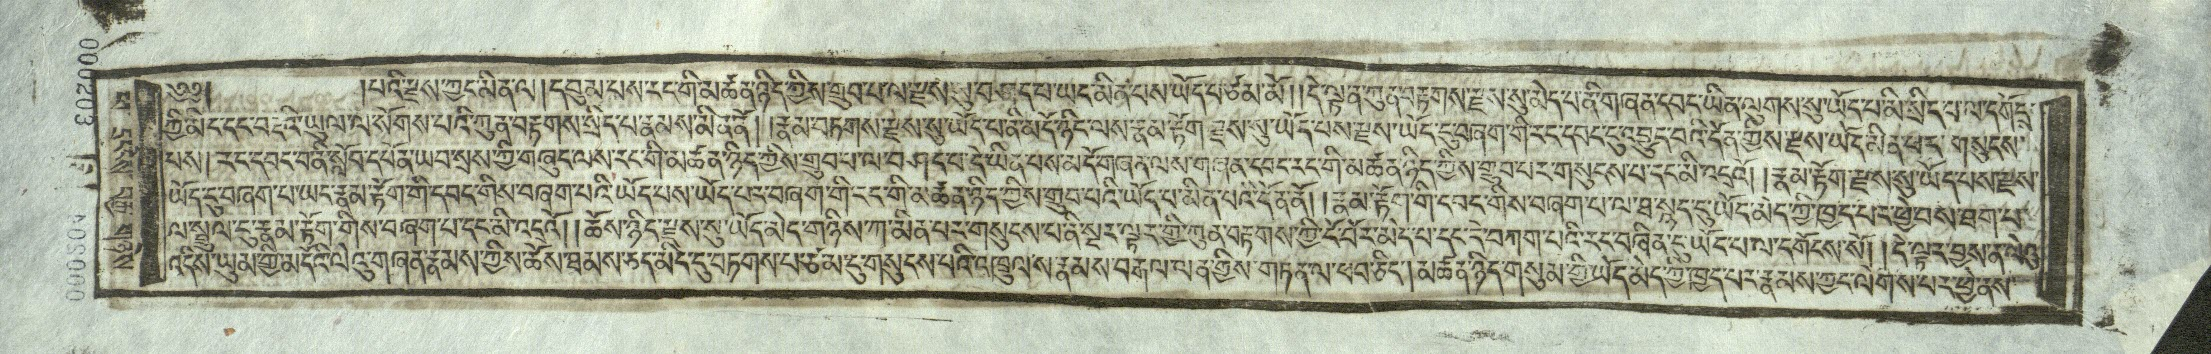༄༅། །པའི་རྫས་ཀྱང་མིན་ལ། དབུ་མ་པས་རང་གི་མཚན་ཉིད་ཀྱིས་གྲུབ་པ་ལ་རྫས་སུ་བཤད་པ་ཡང་མིན་པས་ཡོད་པ་ཙམ་མོ། །དེ་ལྟ་ན་ཀུན་བརྟགས་རྫས་སུ་མེད་པ་ནི་གཞན་དབང་ཡིན་ལུགས་སུ་ཡོད་པ་མི་སྲིད་པ་ལ་དགོངས་
ཀྱི་མིང་དང་བརྡའི་ཡུལ་ལ་སོགས་བའི་ཀུན་བརྟགས་སྲིད་པ་རྣམས་མིན་ནོ། །རྣམ་བཏགས་རྫས་སུ་ཡོད་བ་ནི་མདོ་ཉིད་ལས་རྣམ་རྟོག་རྫས་སུ་ཡོད་པས་རྫས་ཡོད་དུ་བཞག་གི་རང་དབང་དུ་འབྱུང་བའི་དོན་གྱིས་རྫས་ཡིད་མིན་པར་གསུངས་
པས། རང་དབང་བ་ནི་སློབ་དཔོན་ཡབ་སྲས་ཀྱི་གཞུང་ལས་རང་གི་མཚན་ཉིད་ཀྱིས་གྲུབ་པ་ལ་བཤད་པ་དེ་ཡིན་པས་མདོ་གཞན་ལས་གཞན་དབང་རང་གི་མཚན་ཉིད་ཀྱིས་གྲུབ་པར་གསུངས་པ་དང་མི་འདྲའོ། །རྣམ་རྟོག་རྫས་སུ་ཡོད་པས་རྫས་
ཡོད་དུ་བཞག་པ་ཡང་རྣམ་རྟོག་གི་དབང་གིས་བཞག་པའི་ཡོད་པས་ཡོད་པར་བཞག་གི་རང་གི་མཚན་ཉིད་ཀྱིས་གྲུབ་པའི་ཡོད་པ་མིན་པའི་དོན་ནོ། །རྣམ་རྟོག་གི་དབང་གིས་བཞག་པ་ལ་ཐ་སྙད་དུ་ཡོད་མེད་ཀྱི་ཁྱད་པར་ཕྱེ་བས་ཐག་པ་
ལ་སྦྲུལ་དུ་རྣམ་རྟོག་གིས་བཞག་པ་དང་མི་འདྲའོ། །ཆོས་ཉིད་རྫས་སུ་ཡོད་མེད་གཉིས་ཀ་མིན་པར་གསུངས་པ་ནི་སྔར་ལྟར་གྱི་ཀུན་བརྟགས་ཀྱི་ངོ་བོར་མེད་པ་དང་དེ་བཀག་པའི་རང་བཞིན་དུ་ཡོད་པ་ལ་དགོངས་སོ། །དེ་ལྟར་བྱས་ན་ལེའུ་
འདིས་ཡུམ་གྱི་མདོའི་ལེའུ་གཞན་རྣམས་ཀྱིས་ཆོས་ཐམས་ཅད་མིང་དུ་བཏགས་པ་ཙམ་དུ་གསུངས་པའི་འཁྲུལ་ས་རྣམས་བརྒལ་ལན་གྱིས་གཏན་ལ་ཕབ་ཅིང་། མཚན་?་ཉིད་གསུམ་གྱི་ཡོད་མེད་ཀྱི་ཁྱད་བར་རྣམས་ཀྱང་ལེགས་པར་ཕྱེ་ནས་